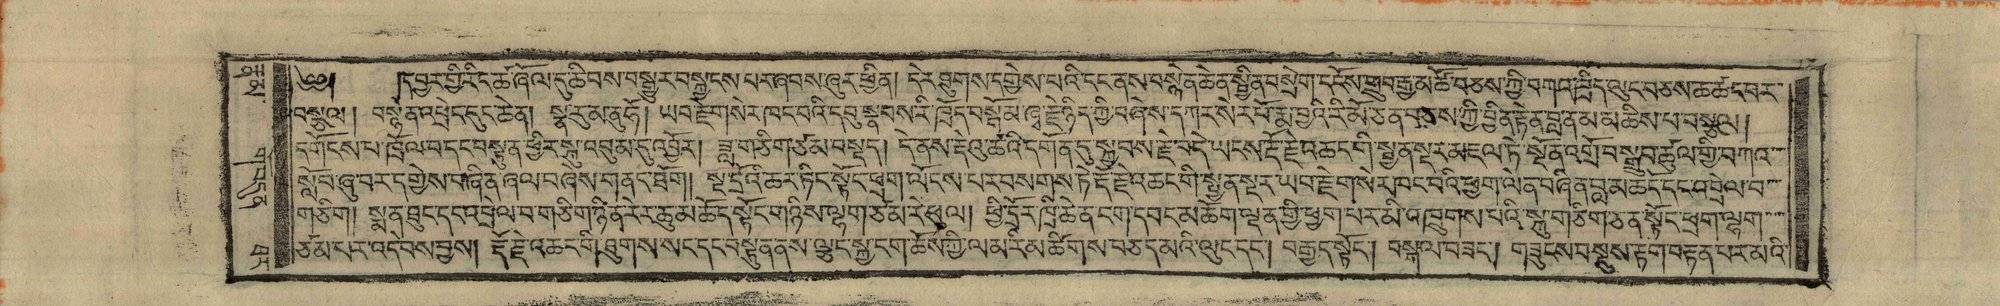༄༅། །དབྱར་གྱི་རིང་ཚ་ཞོལ་དུ་ཆིབས་བསྒྱུར་བསྐྱངས་པར་ཞབས་ཞུར་ཕྱིན། དེར་ཐུགས་དགྱེས་པའི་ངང་ནས་བསྙེན་ཆེན་སྦྱིན་བསྲེག་དངོས་གྲུབ་རྒྱ་མཚོ་བཅས་ཀྱི་བཀའ་ཁྲིད་ལུང་བཅས་ཆ་ཚང་བར་
བསྩལ། བསྙེན་འཕྲེང་དུང་ཆེན། སྣ་རུ་མ་ནུ་ཧོ། ཡབ་རྗེ་གསེར་ཁང་བའི་དབུ་སྣབས་རི་ཁྲོད་བསྒོམ་ཞྭ་རྗེ་ཉིད་ཀྱི་བཞེས་དཀར་སེར་པོ་རྨ་བྱའི་རི་མོ་ཅན་བཅས་ཀྱི་བྱིན་རྟེན་བླ་ན་མ་མཆིས་པ་བསྩལ།
དགོངས་པ་ཁྲོལ་བ་དང་བསྟུན་ཕྱིར་སྐུ་འབུམ་དུ་འབྱོར། ཟླ་གཅིག་ཙམ་བསྡད། དེ་ནས་རྡེའུ་ཚའི་དགོན་དུ་སྐྱབས་རྗེ་བདེ་ཡངས་རྡོ་རྗེ་འཆང་གི་སྤྱན་སྔར་མཇལ་ཏེ་སྔོན་འགྲོ་བསྒྲུབ་ཚུལ་གྱི་བཀའ་
སློབ་ཞུ་བར་དགྱེས་བཞིན་ཞལ་བཞེས་གནང་ཐོག །སྔ་དྲོའི་ཆར་ཏིང་སྟོང་ཕྲག་ལོངས་པར་བསགས་ཏེ་རྡོ་རྗེ་འཆང་གི་སྤྱན་སྔར་ཡབ་རྗེ་གསེར་ཁང་བའི་ཕྱག་ལེན་བཞིན་བླ་མཆོད་དང་འབྲེལ་བ་
གཅིག །སྨན་ཐུང་དང་འབྲེལ་བ་གཅིག་ཉིན་རེར་ཆུ་མཆོད་སྟོང་གཉིས་ལྷག་ཙམ་རེ་ཕུལ། ཕྱི་དྲོར་ཁྲི་ཆེན་ངག་དབང་མཆོག་ལྡན་གྱི་ཕྱག་པར་མི་འཁྲུགས་པའི་སྐུ་གཅིག་ཅན་སྟོང་ཕྲག་ལྷག་
ཙམ་པར་འདེབས་བྱས། རྡོ་རྗེ་འཆང་གི་ཐུགས་སང་དང་བསྟུན་ནས་ལྕང་སྐྱ་ངག་ཆོས་ཀྱི་ལམ་རིམ་ཚིགས་བཅད་མའི་ལུང་དང་། བརྒྱད་སྟོང་། བསྐལ་བཟང་། གཟུངས་བསྡུས་རྟག་བརྟན་པར་མའི་